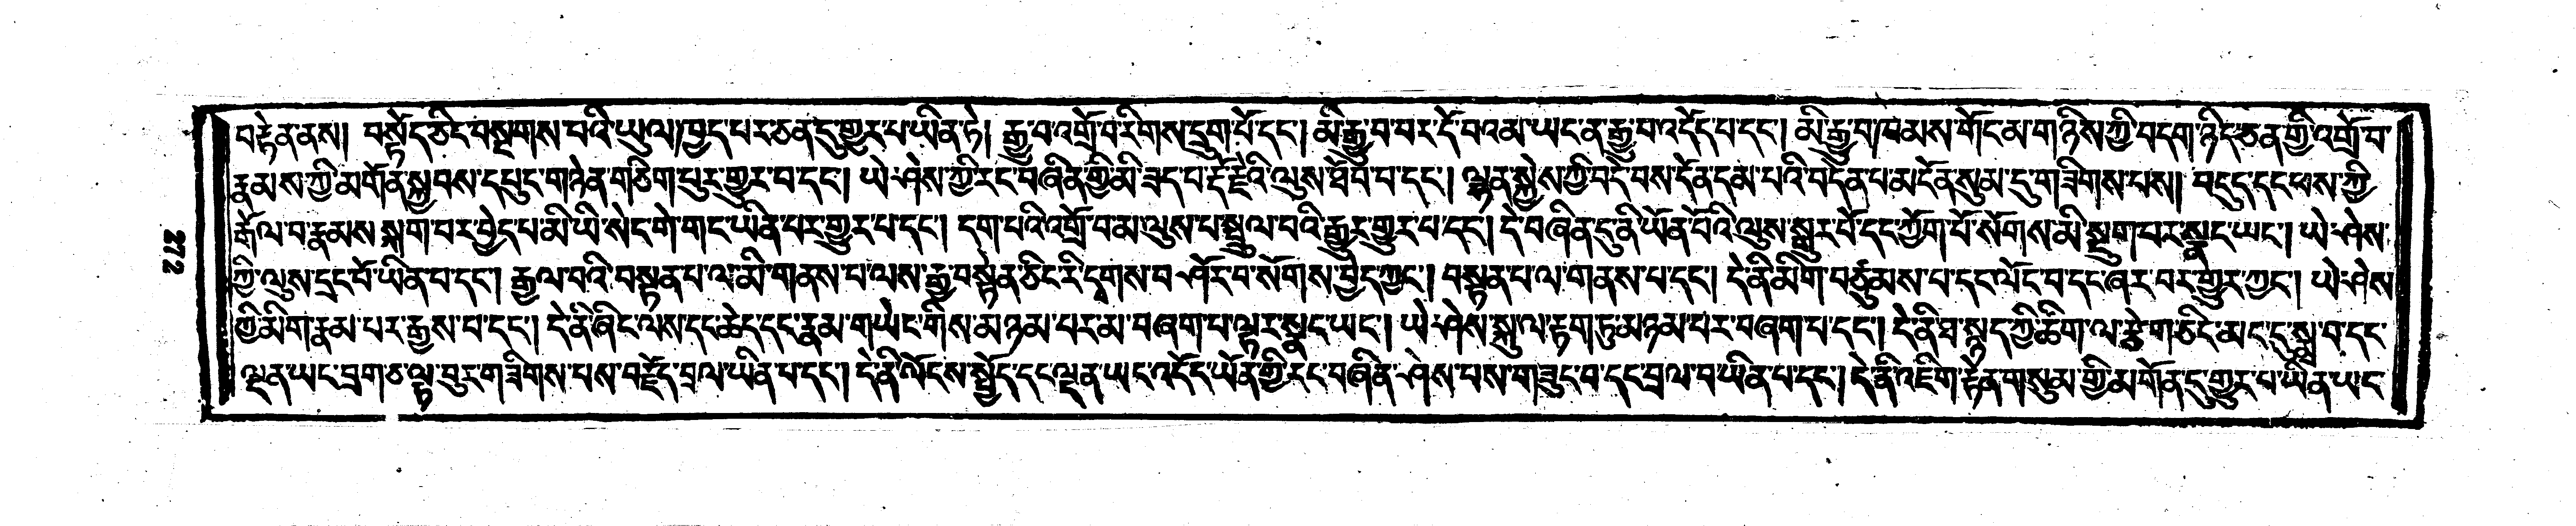བརྟེན་ནས། བསྟོད་ཅིང་བསྔགས་པའི་ཡུལ་ཁྱད་པར་ཅན་དུ་གྱུར་པ་ཡིན་ཏེ། རྒྱུ་བ་འགྲོ་བ་རིགས་དྲུག་པོ་དང་། མི་རྒྱུ་བ་བར་དོ་པའམ་ཡང་ན་རྒྱུ་བ་འདོད་པ་དང་། མི་རྒྱུ་བ་ཁམས་གོང་མ་གཉིས་ཀྱི་བདག་ཉིད་ཅན་གྱི་འགྲོ་བ་
རྣམས་ཀྱི་མགོན་སྐྱབས་དཔུང་གཉེན་གཅིག་པུར་གྱུར་བ་དང་། ཡེ་ཤེས་ཀྱི་རང་བཞིན་གྱི་མི་ཟད་པ་རྡོ་རྗེའི་ལུས་ཐོབ་པ་དང་། ལྷན་སྐྱེས་ཀྱི་བདེ་བས་དོན་དམ་པའི་བདེན་པ་མངོན་སུམ་དུ་གཟིགས་པས། བདུད་དང་ཕས་ཀྱི་
རྒོལ་བ་རྣམས་སྐྲག་པར་བྱེད་པ་མི་ཡི་སེང་གེ་གང་ཡིན་པར་གྱུར་པ་དང་། དག་པའི་འགྲོ་བ་མ་ལུས་པ་སྤྲུལ་པའི་རྒྱུར་གྱུར་པ་དང་། དེ་བཞིན་དུ་ནི་ཡོན་པོའི་ལུས་སྒུར་པོ་དང་ཀྱོག་པོ་སོགས་མི་སྡུག་པར་སྣང་ཡང་། ཡེ་ཤེས་
ཀྱི་ལུས་དྲང་པོ་ཡིན་པ་དང་། རྒྱལ་བའི་བསྟན་པ་ལ་མི་གནས་པ་ལས་རྒྱ་བསྟེན་ཅིང་རི་དྭགས་བཤོར་བ་སོགས་བྱེད་ཀྱང་། བསྟན་པ་ལ་གནས་པ་དང་། དེ་ནི་མིག་བཙུམས་པ་དང་ལོང་བ་དང་ཞར་བར་གྱུར་ཀྱང་། ཡེ་ཤེས་
ཀྱི་མིག་རྣམ་པར་རྒྱས་པ་དང་། དེ་ནི་ཞིང་ལས་དང་ཆེད་དང་རྣམ་གཡེང་གིས་མཉམ་པར་མ་བཞག་པ་ལྟར་སྣང་ཡང་། ཡེ་ཤེས་སྐུ་ལ་རྟག་ཏུ་མཉམ་པར་བཞག་པ་དང་། དེ་ནི་ཐ་སྙད་ཀྱི་ཚིག་ལ་རྩེག་ཅིང་མང་དུ་སྨྲ་བ་དང་
ལྡན་ཡང་བྲག་ཅ་ལྟ་བུར་གཟིགས་པས་བརྗོད་བྲལ་ཡིན་པ་དང་། དེ་ནི་ལོངས་སྤྱོད་དང་ལྡན་ཡང་འདོད་ཡོན་གྱི་རང་བཞིན་ཤེས་པས་གཟུང་བ་དང་བྲལ་བ་ཡིན་པ་དང་། དེ་ནི་འཇིག་རྟེན་གསུམ་གྱི་མགོན་དུ་གྱུར་པ་ཡིན་ཡང་